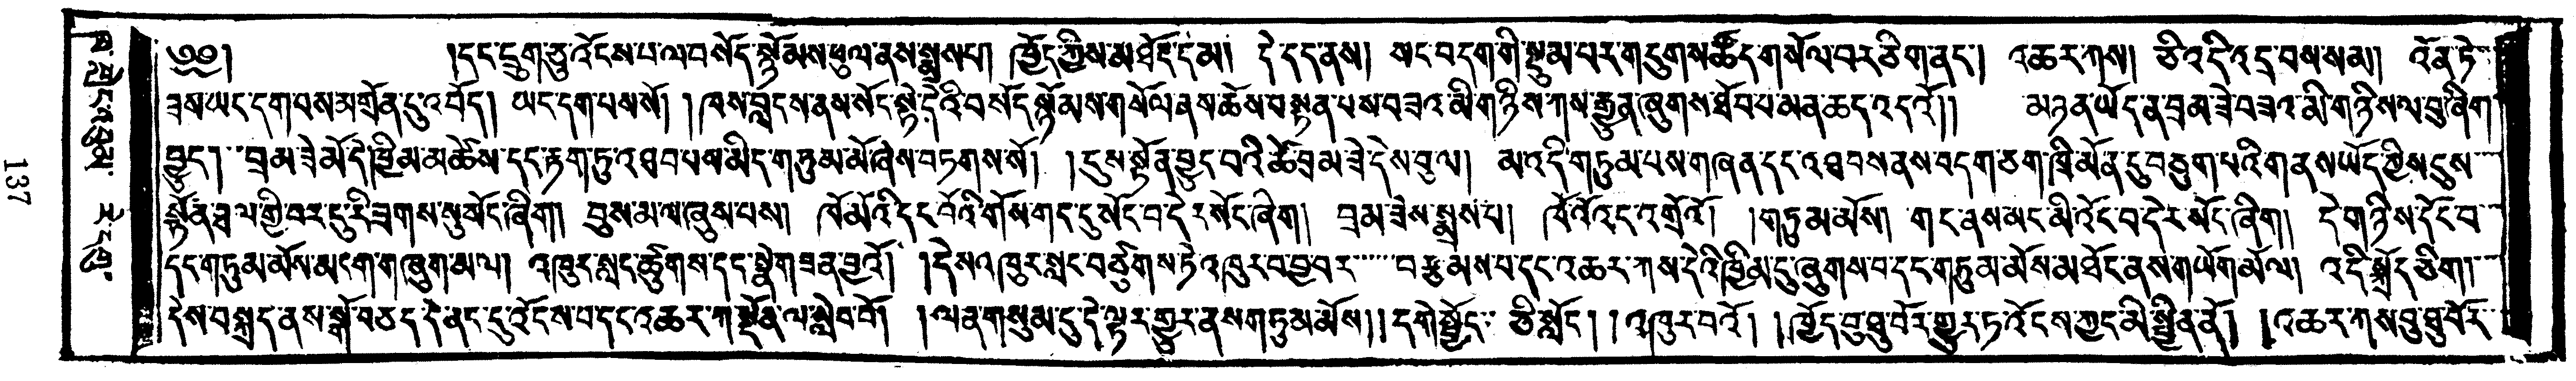༄༅། །དང་དྲུག་ཅུ་འོངས་པ་ལ་བསོད་སྙོམས་ཕུལ་ནས་སྨྲས་པ། ཁྱོད་ཀྱིས་མཐོང་དམ། དེ་དད་ནས། སང་བདག་གི་སྡུམ་པར་གདུགས་ཚོད་གསོལ་བར་ཅིག་ནང་། འཆར་ཀས། ཅི་འདི་འདྲ་བས་སམ། འོན་ཏེ་
ཟས་ཡང་དག་བས་མགྲོན་དུ་འབོད། ཡང་དག་པས་སོ། །ཁས་བླངས་ནས་སོང་སྟེ་དེའི་བསོད་སྙོམས་གསོལ་ནས་ཆོས་བསྟན་པས་བཟའ་མི་གཉིས་ཀས་རྒྱུན་ཞུགས་ཐོབ་པ་མན་ཆད་འདྲའོ།། མཉན་ཡོད་ན་བྲམ་ཟེ་བཟའ་མི་གཉིས་ལ་བུ་ཞིག་
བྱུང་། བྲམ་ཟེ་མོ་དེ་ཁྱིམ་མཚེས་དང་རྟག་ཏུ་འཐབ་པས་མིད་གཏུམ་མོ་ཞེས་བཏགས་སོ། །དུས་སྟོན་བྱུང་བའི་ཚེ་བྲམ་ཟེ་དེས་བུ་ལ། མ་འདི་གཏུམ་པས་གཞན་དང་འཐབས་ནས་བདག་ཅག་ཁྲི་མོན་དུ་བཅུག་པའི་གནས་ཡོད་ཀྱིས་དུས་
སྟོན་ཐལ་གྱི་བར་དུ་རི་ཟགས་སུ་སོང་ཞིག། བུས་མ་ལ་ཞུས་པས། ཁོ་མོའི་དང་བོའི་གོས་གང་དུ་སོང་བ་དེར་སོང་ཞིག། བྲམ་ཟེས་སྨྲས་པ། ཁོ་འོའང་འགྲོའོ། །གཏུམ་མོས། གང་ནས་མང་མི་འོང་བ་དེར་སོང་ཞིག། དེ་གཉིས་དོང་བ་
དང་གཏུམ་མོས་མངག་གཞུག་མ་ལ། འཁུར་སླང་ཚུགས་དང་སྣེ་གཟན་བྱའོ། །དེས་འཁུར་སླང་བཙུགས་ཏེ་འཁུར་བ་བྱ་བར་བརྩམས་པ་དང་འཆར་ཀས་དེའི་ཁྱིམ་དུ་ཞུགས་པ་དང་གཏུམ་མོས་མཐོང་ནས་གཡོག་མོལ། འདི་སྐྲོད་ཅིག།
དེས་བསྐྲད་ནས་སྒོ་བཅད་དེ་ནང་དུ་འོངས་པ་དང་འཆར་ཀ་སྔོན་ལ་སླེབ་བོ། །ལན་གསུམ་དུ་དེ་ལྟར་གྱུར་ནས་གཏུམ་མོས། །དགེ་སྦྱོང༑ ཅི་སློང་། །འཁུར་བའོ། །ཁྱོད་བུ་ཐུ་བོར་གྱུར་ཏ་འོངས་ཀྱང་མི་སྦྱིན་ནོ། །འཆར་ཀས་བུ་ཐུ་བོར་